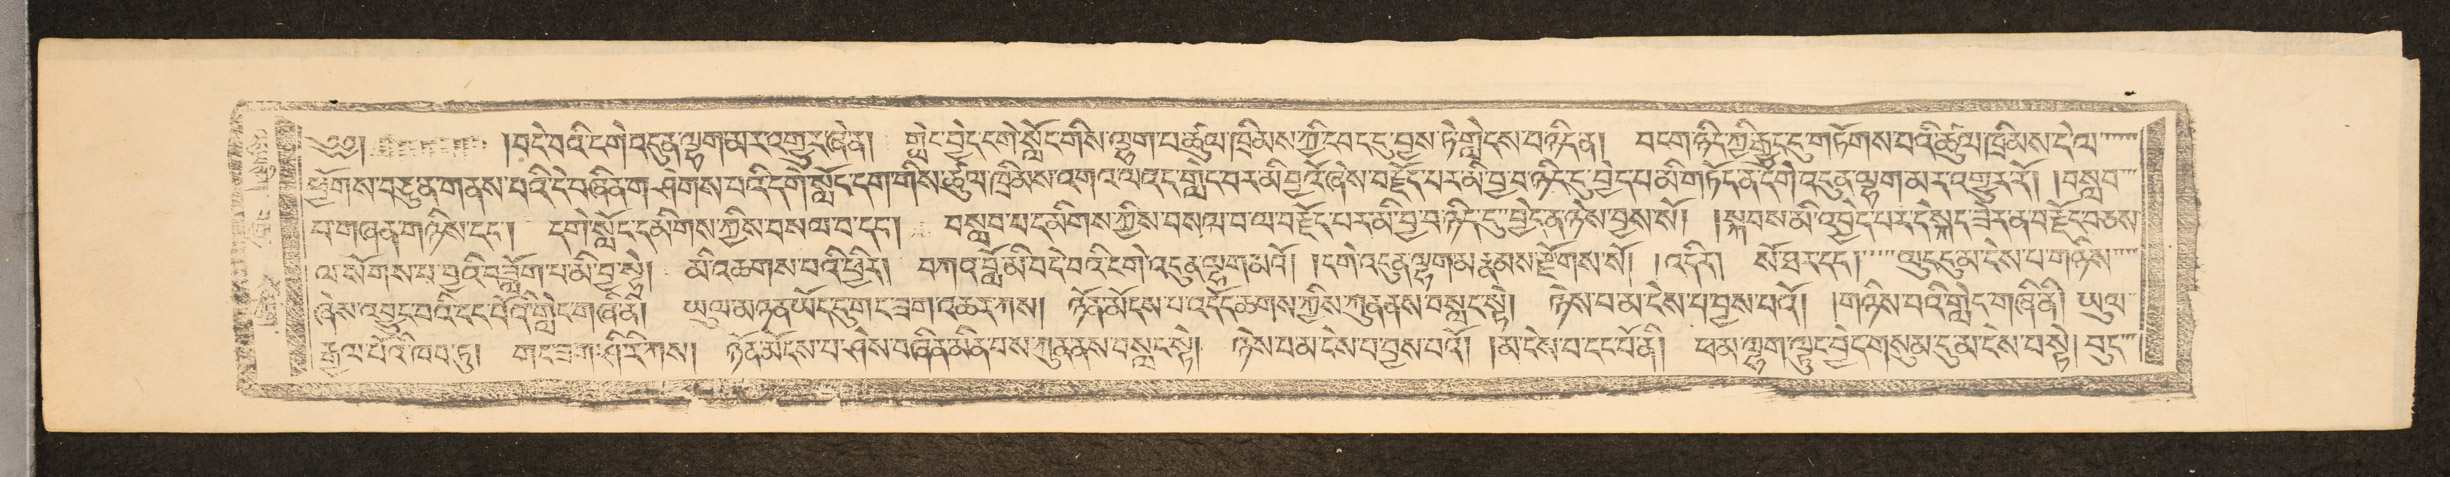༄༅། །བདེ་བའི་དགེ་འདུན་ལྷག་མར་འགྱུར་ཞེ་ན། གླེང་བྱེད་དགེ་སློང་གིས་ལྷག་པ་ཚུལ་ཁྲིམས་ཀྱི་དབང་དུ་བྱས་ཏེ་གླེངས་བ་ཉིད་ན། བདག་ཉིད་ཀྱི་རྒྱུད་དུ་གཏོགས་པའི་ཚུལ་ཁྲིམས་དེ་ལ་
ཕྱོགས་བཅུ་ན་གནས་པའི་དེ་བཞིན་གཤེགས་པའི་དགེ་སློང་དག་གིས་ཚུལ་ཁྲིམས་འགའ་ལའང་གླེང་བར་མི་བྱའོ་ཞེས་བརྗོད་པར་མི་བྱ་བ་ཉིད་དུ་བྱེད་པ་མི་གཏོང་ན་དགེ་འདུན་ལྷག་མར་འགྱུར་རོ། །བསླབ་
པ་གཞན་གཉིས་དང་། དགེ་སློང་དམིགས་ཀྱིས་བསལ་བ་དང་། བསླབ་པ་དམིགས་ཀྱིས་བསལ་བ་ལ་བརྗོད་པར་མི་བྱ་བ་ཉིད་དུ་བྱེད་ན་ཉེས་བྱས་སོ། །སྐབས་མི་འབྱེད་པར་དེ་སྐད་ཟེར་ན་བརྗོད་བཅས་
ལ་སོགས་པ་བྱའི་བཟློག་པ་མི་བྱ་སྟེ། མི་འཆགས་པའི་ཕྱིར། བཀའ་བློ་མི་བདེ་བའི་དགེ་འདུན་ལྷག་མའོ། །དགེ་འདུན་ལྷག་མ་རྣམས་རྫོགས་སོ། །འདིར། སོ་ཐར་དང་། ལུང་དུ་མ་ངེས་པ་གཉིས་
ཞེས་འབྱུང་བའི་དང་བོའི་གླེང་གཞི་ནི། ཡུལ་མཉན་ཡོད་དུ་གང་ཟག་འཆར་ཀས། ཉོན་མོངས་པ་འདོད་ཆགས་ཀྱིས་ཀུན་ནས་བསླང་སྟེ། ཉེས་པ་མ་ངེས་པ་བྱས་པའོ། །གཉིས་པའི་གླེང་གཞི་ནི། ཡུལ་
རྒྱལ་པོའི་ཁབ་ཏུ། གང་ཟག་ཤི་རི་ཀས། ཉོན་མོངས་པ་ཤེས་བཞིན་མིན་པས་ཀུན་ནས་བསླང་སྟེ། ཉེས་པ་མ་ངེས་པ་བྱས་པའོ། །མ་ངེས་པ་དང་པོ་ནི། ཕམ་ལྷག་ལྟུང་བྱེད་གསུམ་དུ་མ་ངེས་པ་སྟེ། བུད་